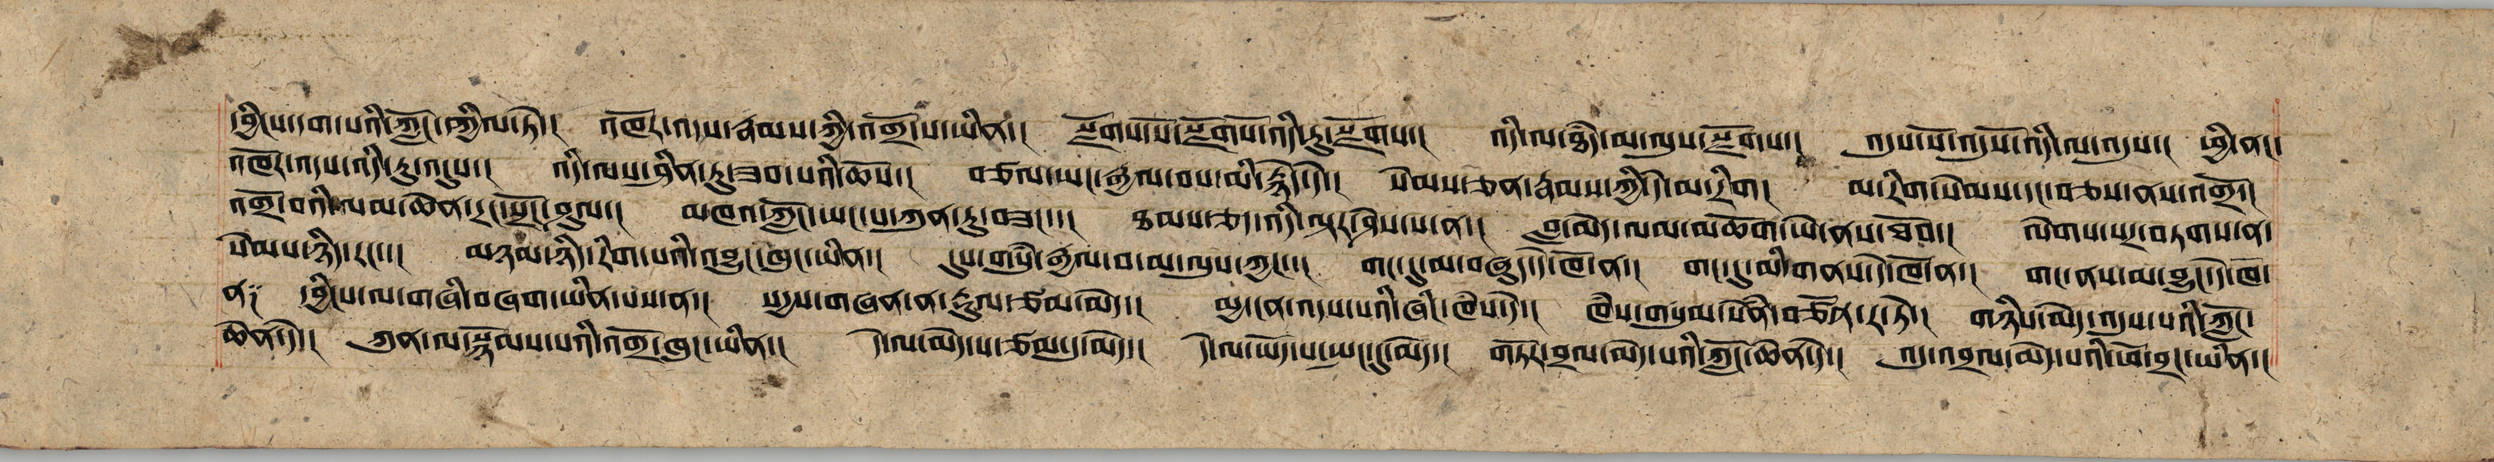དབྱིངས་དག་པའི་ཀློང་དཀྱིལ་ཏེ་། འཁོར་འདས་རྣམས་ཀྱི་འགྲོ་ས་ཡིན་། སྫོགས་སོ་སྫོགསོ་འདི་རུ་སྫོགས་། འདི་ལ་ཐཾད་མ་ལུས་སྫོགས་། འདུས་སོ་འདུསོ་འདི་ལ་འདུས་། ཕྱི་ནང་
འཁོར་འདས་འདི་རུ་འདུས་། འདི་ལས་ཤིན་ཏུ་ཟབ་པའི་ཆོས་། བཙལ་ཡང་རྒྱལ་བས་མི་རྙེད་དེ་། སེམས་ཅན་རྣམས་ཀྱི་དེ་མ་རིག། མ་རིག་སེམས་དང་བཅས་ནས་འགྲོ་།
འགྲོ་བའི་ལམ་ཆེན་དྲང་སྲོང་ཤུལ་་ མཁའ་ཀླཽང་ཡང་པ་ཀུན་ཏུ་བཟང་་། ཐམས་ཅད་འདི་ལྟར་ཤེས་པ་ན་། བླ་མེད་ལམ་མཆོག་ཡེ་ནས་ཐོབ་། ལེགས་པར་བཏགས་ན་
སེམས་ཉིད་རང་་། མཉམ་ཉིད་རིག་པའི་འབྱུང་ཁུང་ཡིན་། དུས་གསུཾ་རྒྱལ་བ་མ་ལུས་ཀྱང་་། གང་དུ་མ་བཞུད་དེ་ཁོ་ན་། གང་དུ་མི་གནས་དེ་ཁོ་ན་། གང་ནས་མ་བྱུང་དེ་ཁོ་
ན༑ དབྱིངས་ལ་གཞི་བཞག་ཡིན་པས་ན་། སདྱས་གཞན་ན་རྡུལ་ཙམ་མེད་། མྱ་ངན་འདས་པའི་ཞིང་ཁཾས་དེ་། ཁཾས་གསུམ་སེཾན་བཙོན་ར་ཏེ་། གཉིས་མེད་འདུས་པའི་ཀློང་
ཆེན་དེ་། ཀུན་ལ་སྙོམས་པའི་འགྲོ་ཁུང་ཡིན་། དེ་ལ་མེད་པ་ཙམ་དུ་མེད་། དེ་ལ་ཡོད་པ་སྤང་དུ་མེད་། གཏོར་བྲལ་མེད་པའི་ཀློང་ཆེན་དེ་། འདུ་འབྲལ་མེད་པའི་ཕོ་བྲང་ཡིན་།